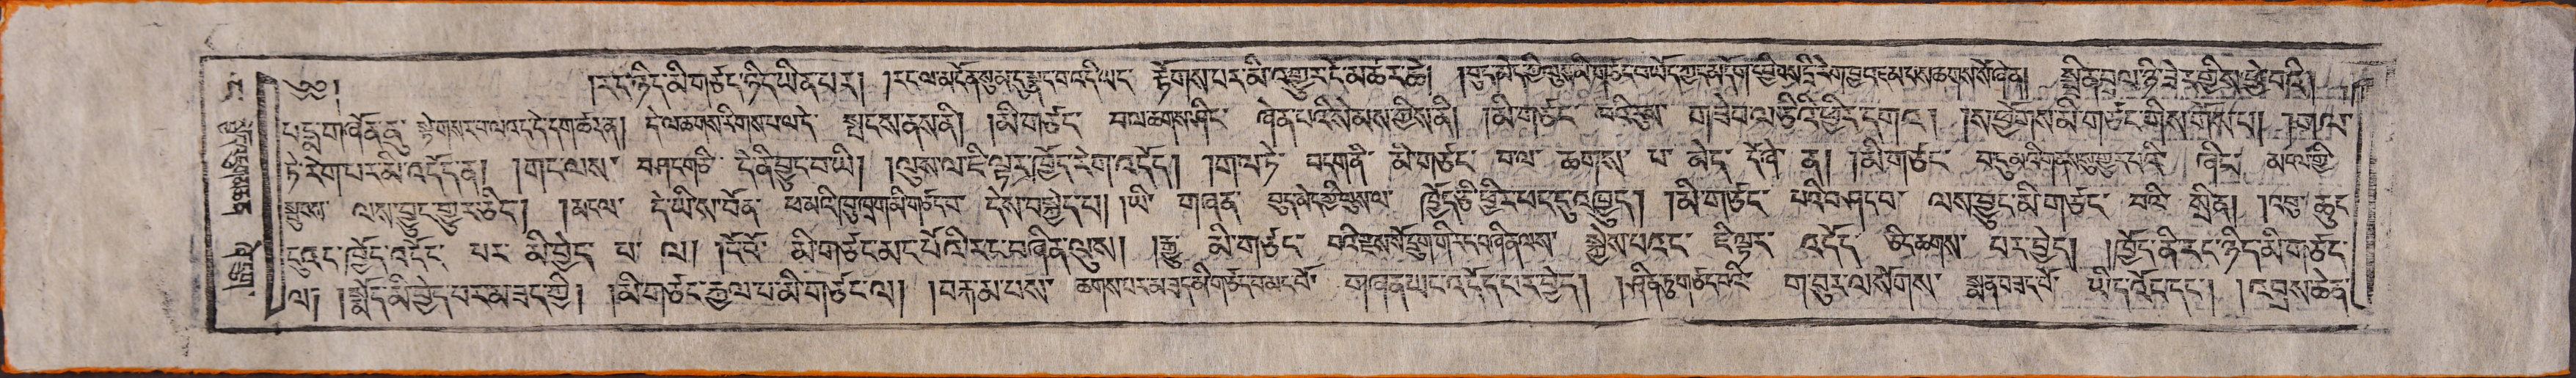༄༅། །རང་ཉིད་མི་གཙང་ཉིད་ཡིན་པར། །རང་ལ་མངོན་སུམ་དུ་སྣང་བ་འདི་ཡང་རྟོགས་པར་མི་འགྱུར་ངོ་མཚར་ཆེ། །བུད་མེད་ཀྱི་ལུས་མི་གཙང་བ་ཡོད་ཀྱང་མདོག་དབྱིབས་དྲི་རེག་བྱ་འཇམ་པས་ཆགས་སོ་ཞེ་ན།  སྤྲིན་བྲལ་ཉི་ཟེར་གྱིས་བྱེ་བའི།
པདམ་གཞོན་ནུ་སྟེ་གསར་པ་ལའང་དེ་དག་ཚང་ན། དེ་ལ་ཆགས་རིགས་པ་ལ་དེ་སྤངས་ནས་དེ། །མི་གཙང་བ་ལ་ཆགས་ཤིང་ཞེན་པའི་སེམས་ཀྱིས་ནི། །མི་གཙང་བའི་རུས་གཟེབ་ལ་ཅིའི་ཕྱིར་དགའ། །ས་ཕྱོགས་མི་གཙང་གིས་གོས་པ། །གལ་
ཏེ་རེག་པར་མི་འདོད་ན། །གང་ལས་བཤང་གཅི་དེ་ནི་བྱུང་བ་ཡི། །ལུས་ལ་ཇི་ལྟར་ཁྱོད་རེག་འདོད། །གལ་ཏེ་བདག་ནི་མི་གཙང་བ་ལ་ཆགས་པ་མེད་དོ་ཞེ་ན། །མི་གཙང་བ་དུ་མའི་གནས་སུ་གྱུར་པའི་ཞིང་མངལ་གྱི་
སྦུབས་ལས་བྱུང་གྱུར་ཅིང་། །མངལ་དེ་ཡི་ས་བོན་ཕ་མའི་ཁུ་ཁྲག་མི་གཙང་བ་དེས་བསྐྱེད་པ། །ཡི་གཞན་བུད་མེད་ཀྱི་ལུས་ལ་ཁྱོད་ཅི་ཕྱིར་བང་དུ་འཁྱུད། །མི་གཙང་བའི་བཤང་བ།  ལས་བྱུང་མི་གཙང་བའི་སྲིན། །འབུ་ཆུང་
ངུའང་ཁྱོད་འདོད་པར་མི་བྱེད་པ་ལ། །ངོ་བོ་མི་གཙང་མང་པོའི་རང་བཞིན་ལུས། །རྒྱུ་མི་གཙང་བའི་རྫས་སོ་དྲུག་གི་རང་བཞིན་ལས་སྐྱེས་པའང་ཇི་ལྟར་འདོད་ཅིང་ཆགས་པར་བྱེད། །ཁྱོད་ནི་རང་ཉིད་མི་གཙང་
ལ༑ ༑སྨོད་མི་བྱེད་པར་མ་ཟད་ཀྱི། །མི་གཙང་རྒྱལ་པ་མི་གཙང་ལ། །བརྐམ་པས་ཆགས་པར་མ་ཟད་མི་གཙང་བ་མང་པོ་གཞན་ཡང་འདོད་པར་བྱེད། །ཤིན་ཏུ་གཙང་བའི་ག་པུར་ལ་སོགས་སྨན་བཟང་པོ་ཡིད་འོང་དང་། །འབྲས་ཆེན་